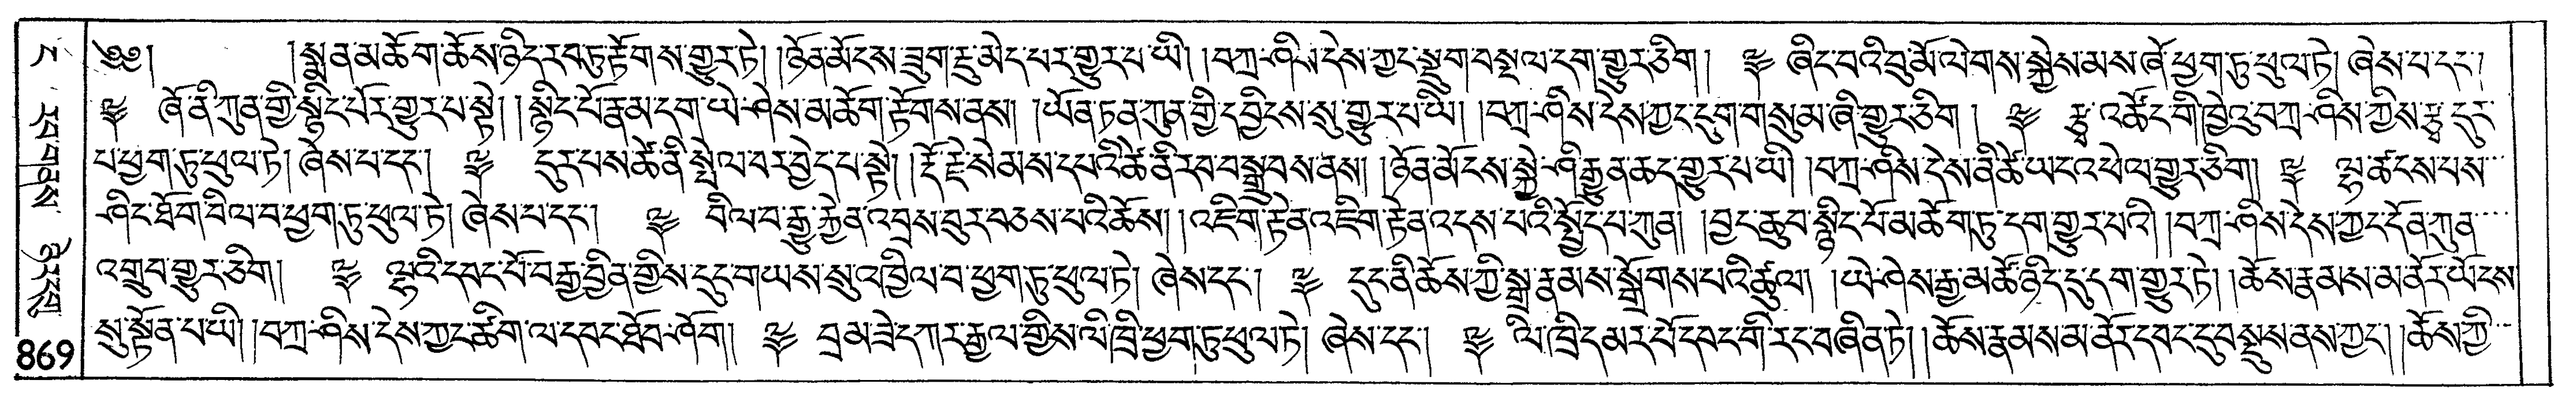༄༅། །སྨན་མཆོག་ཆོས་ཉིད་རབ་ཏུ་རྟོགས་གྱུར་ཏེ། །ཉོན་མོངས་ཟུག་རྔུ་མེད་པར་གྱུར་པ་ཡི། །བཀྲ་ཤིས་དེས་ཀྱང་སྡུག་བསྔལ་དག་གྱུར་ཅིག ། ༈ ཞིང་བའི་བུ་མོ་ལེགས་སྐྱེས་མས་ཞོ་ཕྱག་ཏུ་ཕུལ་ཏེ། ཞེས་པ་དང་།
༈ ཞོ་ནི་ཀུན་གྱི་སྙིང་པོར་གྱུར་པ་སྟེ། །སྙིང་པོ་རྣམ་དག་ཡེ་ཤེས་མཆོག་རྟོགས་ནས། །ཡོན་ཏན་ཀུན་གྱི་དབྱིངས་སུ་གྱུར་པ་ཡི། །བཀྲ་ཤིས་དེས་ཀྱང་དུག་གསུམ་ཞི་གྱུར་ཅིག ། ༈ རྩྭ་འཚོང་གི་ཁྱེའུ་བཀྲ་ཤིས་ཀྱིས་རྩྭ་དུར་
པ་ཕྱག་ཏུ་ཕུལ་ཏེ། ཞེས་པ་དང་། ༈ དུར་པས་ཚེ་ནི་སྤེལ་བར་བྱེད་པ་སྟེ། །རྡོ་རྗེ་སེམས་དཔའི་ཚེ་ནི་རབ་བསྒྲུབས་ནས། །ཉོན་མོངས་སྐྱེ་ཤི་རྒྱུན་ཆད་གྱུར་པ་ཡི། །བཀྲ་ཤིས་དེས་ནི་ཚེ་ཡང་འཕེལ་གྱུར་ཅིག ། ༈ ལྷ་ཚངས་པས་
ཤིང་ཐོག་བིལ་བ་ཕྱག་ཏུ་ཕུལ་ཏེ། ཞེས་པ་དང་། ༈ བིལ་བ་རྒྱུ་རྐྱེན་འབྲས་བུར་བཅས་པའི་ཆོས། །འཇིག་རྟེན་འཇིག་རྟེན་འདས་པའི་སྤྱོད་པ་ཀུན། །བྱང་ཆུབ་སྙིང་པོ་མཆོག་ཏུ་དག་གྱུར་པའི། །བཀྲ་ཤིས་དེས་ཀྱང་དོན་ཀུན་
འགྲུབ་གྱུར་ཅིག ། ༈ ལྷའི་དབང་པོ་བརྒྱ་བྱིན་གྱིས་དུང་གཡས་སུ་འཁྱིལ་བ་ཕྱག་ཏུ་ཕུལ་ཏེ། ཞེས་དང་། ༈ དུང་ནི་ཆོས་ཀྱི་སྒྲ་རྣམས་སྒྲོགས་པའི་ཚུལ། །ཡེ་ཤེས་རྒྱ་མཚོ་ཉིད་དུ་དག་གྱུར་ཏེ། །ཆོས་རྣམས་མ་ནོར་ཡོངས་
སུ་སྟོན་པ་ཡི། །བཀྲ་ཤིས་དེས་ཀྱང་ཚིག་ལ་དབང་ཐོབ་ཤོག ། ༈ བྲམ་ཟེ་དཀར་རྒྱལ་གྱིས་ལི་ཁྲི་ཕྱག་ཏུ་ཕུལ་ཏེ། ཞེས་དང་། ༈ ལི་ཁྲི་དམར་པོ་དབང་གི་རང་བཞིན་ཏེ། །ཆོས་རྣམས་མ་ནོར་དབང་དུ་བསྡུས་ནས་ཀྱང་། །ཆོས་ཀྱི་